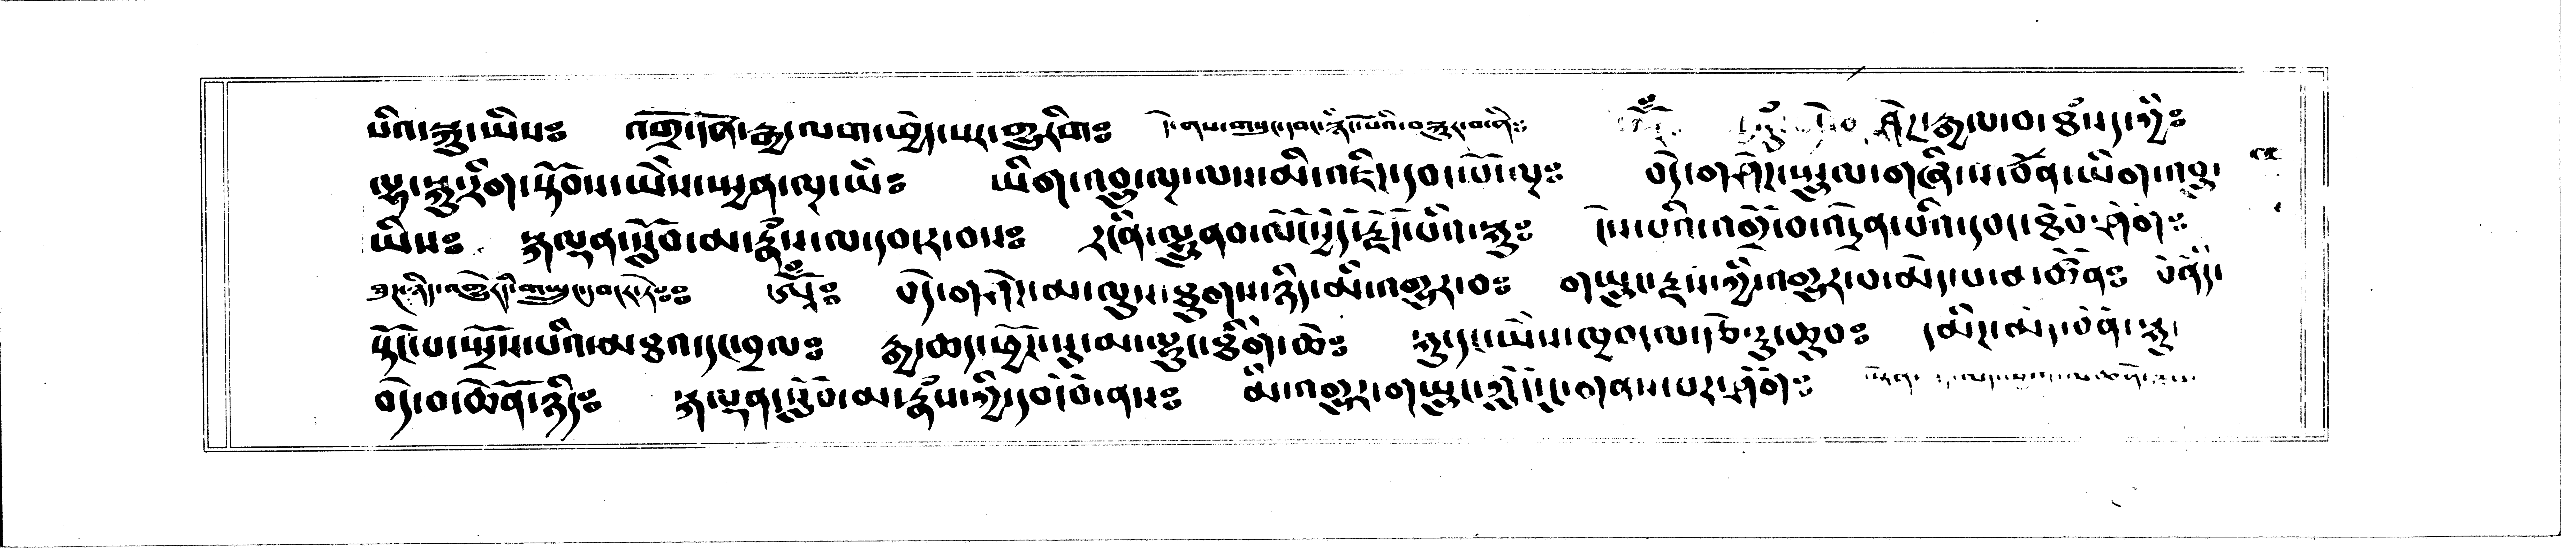པའི་སྐུ་ཡིསཿ འགྲོ་དོན་རྒྱ་ལག་ཕྱེད་པར་གྱུར་ཅིགཿ དེ་ནས་གསུང་དབང་སྙིང་པོའི་བསྐུར་བ་ནིཿ ཨཱོྃཿ དུས་གསུམ་བདེར་གཤེགས་རྒྱལ་བ་ཐམས་ཅད་ཀྱིཿ
 ལྷ་སྐུ་རིག་སྟོབས་ཡེ་ཤེས་སྤྱན་སྔ་ཡིཿ ཡིག་འབྲུ་ལྔ་ལས་མི་འཇིགས་དབང་པོ་ལྔཿ བདེར་གཤེགས་སྤྲུལ་གཞི་ས་བོན་ཡིག་འབྲ་
ཡིསཿ སྐལ་ལྡན་སློབ་མ་རྣམས་ལ་དབང་བསྐུར་བསཿ རང་བཞིན་ལྷུན་གྲུབ་ལོངས་སྤྱོད་རྫོགས་པའི་སྐུཿ ངེས་པའི་འགྲོ་བ་འདྲེན་པའི་དབང་ཐོབ་ཤོགཿ 
ཐུགས་ཉིད་འགྱུར་མེད་གཡུང་དྲུང་དབང་བསྐུར་ཏེཿ ཨཱོྃཿ བདེར་གཤེགས་མ་ལུས་ཐུགས་ཉིད་མི་འགྱུར་བཿ གཡུང་དྲུང་རྫས་ཀྱི་འགྱུར་བ་མེད་པ་མཚོནཿ བོན་ཉིད་
སྟོང་པ་སྤྲོས་པའི་མཐའ་དང་བྲལཿ རྒྱ་ཆད་ཕྱོགས་སུ་མ་ལྷུང་ཐིག་ལེ་ཆེཿ སྐུ་དང་ཡེ་ཤེས་ཁྱབ་བདལ་རྩེ་རུ་ཆུབཿ དམིགས་མེད་བོན་སྐུ་
བདེ་བ་ཆེན་པོ་ཉིདཿ སྐལ་ལྡན་སློབ་མ་རྣམས་ཀྱིས་དབང་ཐོབ་ནསཿ མི་འགྱུར་གཡུང་དྲུང་ཀློང་དུ་གནས་པར་ཤོགཿ ཡོན་ཏན་ཟད་མེད་ཕྱག་མཚན་རྫས་